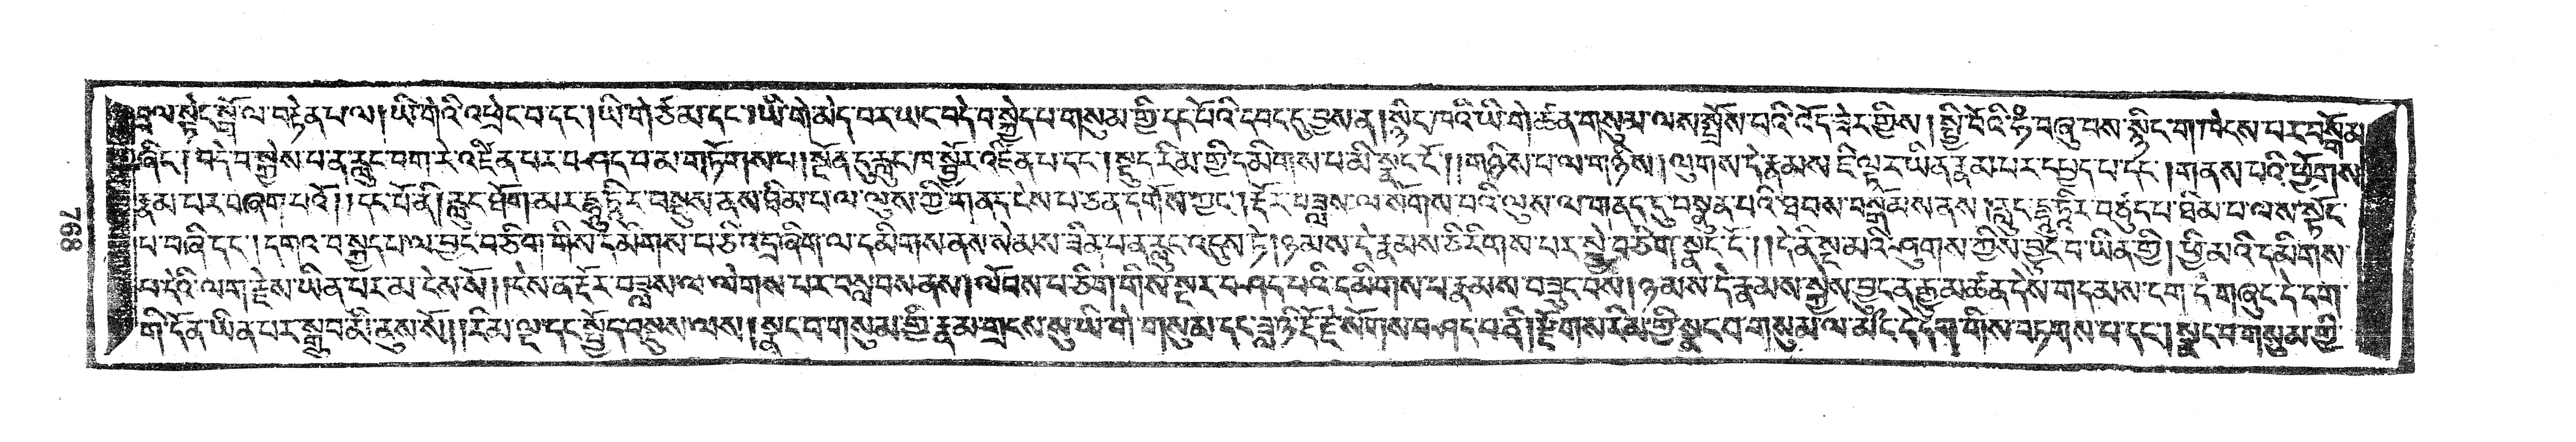བྲལ་སྟེང་སྒོ་ལ་བརྟེན་པ་ལ། ཡི་གའི་འཕྲེང་བ་དང་། ཡི་གེ་ཙམ་དང་། ཡི་གེ་མེད་པར་ཡང་བདེ་བསྐྱེད་པ་གསུམ་གྱི་དང་པོའི་དབང་དུ་བྱས་ན། སྙིང་ཁའི་ཡི་གེ་ཚན་གསུམ་ལས་སྤྲོས་པའི་འོད་ཟེར་ཀྱིས། སྤྱི་བོའི་ཧཾ་བཞུ་བས་སྙིང་ག་ཁེངས་པར་བསྒོམ་
ཞིང་། བདེ་བ་སྐྱེས་པ་ན་རླུང་བག་རེ་འཛིན་པར་བཤད་པ་མ་གཏོགས་པ། སྔོན་དུ་རླུང་ཁ་སྦྱོར་འཛིན་པ་དང་། སྡུད་རིམ་གྱི་དམིགས་པ་མི་སྣང་ངོ། །གཉིས་པ་ལ་གཉིས། ལུགས་དེ་རྣམས་ཇི་ལྟར་ཡིན་རྣམ་པར་དཔྱད་པ་དང་། གནས་པའི་ཕྱོགས་
རྣམ་པར་བཞག་པའོ། །དང་པོ་ནི། རླུང་ཐོག་མར་དྷཱུ་ཏཱིར་བསྡུས་ནས་ཐིམ་པ་ལ་ལུས་ཀྱི་གནད་ངེས་པ་ཅན་དགོས་ཀྱང་། རྡོར་བཟླས་ལ་སོགས་པའི་ལུས་ལ་གནད་དུ་བསྣུན་པའི་ཐབས་བསྒོམས་ནས། རླུང་དྷཱུ་ཏཱིར་བཙུད་པ་ཐིམ་པ་ལས་སྟོང་
པ་བཞི་དང་། དགའ་བ་སྐྱེད་པ་ལ་བྱང་བ་ཅིག་གིས་དམིགས་པ་ཅི་འདྲ་ཞིག་ལ་དམིགས་ནས་སེམས་ཟིན་པ་ན་རླུང་འདུས་ཏེ། ཉམས་དེ་རྣམས་ཅི་རིགས་པར་སྐྱེ་བ་ཅིག་སྣང་ངོ། །དེ་ནི་སྔ་མའི་ཤུགས་ཀྱིས་བྱུང་བ་ཡིན་གྱི། ཕྱི་མའི་དམིགས་
པ་དའི་ལག་རྗེས་ཡིན་པར་མ་ངེས་སོ། །ངེས་ན་རྡོར་བཟླས་ལ་ལེགས་པར་བསླབས་ནས། ལོབས་པ་ཅིག་གིས་སྔར་བཤད་པའི་དམིགས་པ་རྣམས་བཟུང་བས། ཉམས་དེ་རྣམས་སྐྱེས་བྱུང་ན་རྒྱུ་མཚན་དེས་གདམས་ངག་དེ་གཞུང་དེ་དག་
གི་དོན་ཡིན་པར་སྒྲུབ་མི་ནུས་སོ། །རིམ་ལྔ་དང་སྤྱོད་བསྡུས་ལས། སྣང་བ་གསུམ་གྱི་རྣམ་གྲངས་སུ་ཡི་གེ་གསུམ་དང་ཟླ་ཉི་རྡོ་རྗེ་སོགས་བཤད་པ་ནི། རྫོགས་རིམ་གྱི་སྣང་བ་གསུམ་ལ་མིང་དེ་དག་གིས་བཏགས་པ་དང་། སྣང་བ་གསུམ་གྱི་